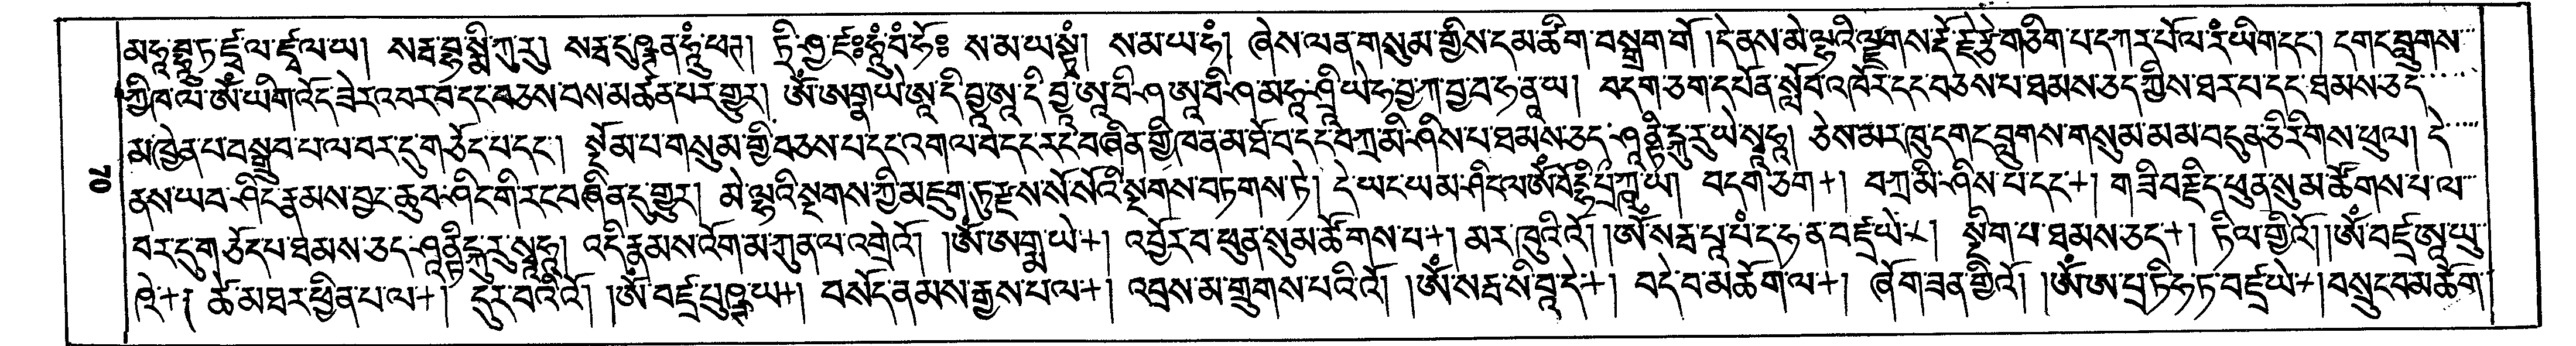མཧཱ་བྷཱུཾ་ཏ་ཛྭ་ལ་ཛྭ་ལ་ཡ། སརྦ་བྷསྨི་ཀུ་རུ། སརྦ་དུཥྚ་ན་ཧཱུཾ་ཕཊ། ཏྲི་ཤྱ་ཛཿཧཱུཾ་བཾ་ཧོཿ ས་མ་ཡ་སྟྭཾ། ས་མ་ཡ་ཧཾ། ཞེས་ལན་གསུམ་གྱིས་དམ་ཚིག་བསྒྲག་གོ །དེ་ནས་མེ་ལྷའི་ལྗགས་རྡོ་རྗེ་རྩེ་གཅིག་པ་དཀར་པོ་ལ་རཾ་ཡིག་དང་། དགང་བླུགས་
ཀྱི་ཁ་ལ་ཨོཾ་ཡིག་འོད་ཟེར་འབར་བ་དང་བཅས་པས་མཚན་པར་གྱུར། ཨོཾ་ཨགན་ཡེ་ཨཱ་དི་བྱཱ་ཨཱ་དི་བྱཱ་ཨཱ་བི་ཤ་ཨཱ་བི་ཤ་མཧཱ་ཤྲའི་ཡེ་ཧ་བྱ་ཀ་བྱ་བ་ཧ་ནཱ་ཡ། བདག་ཅག་དཔོན་སློབ་འཁོར་དང་བཅས་པ་ཐམས་ཅད་ཀྱིས་ཐར་བ་དང་ཐམས་ཅད་
མཁྱེན་པ་བསྒྲུབ་པ་ལ་བར་དུ་གཅོད་པ་དང་། སྡོམ་པ་གསུམ་གྱི་བཅས་པ་དང་འགལ་བ་དང་རང་བཞིན་གྱི་ཁ་ན་མ་ཐོ་བ་དང་བཀྲ་མི་ཤིས་པ་ཐམས་ཅད་ཤཱནྟི་དཀུ་རུ་ཡེ་སྭཱཧཱ། ཅེས་མར་ཁུ་དགང་བླུགས་གསུམ་མམ་བདུན་ཅི་རིགས་ཕུལ། དེ་
ནས་ཡམ་ཤིང་རྣམས་བྱང་ཆུབ་ཤིང་གི་རང་བཞིན་དུ་གྱུར། མེ་ལྷའི་སྔགས་ཀྱི་མཇུག་ཏུ་རྫས་སོ་སོའི་སྔགས་བཏགས་ཏེ། དེ་ཡང་ཡམ་ཤིང་ལ་ཨོཾ་བོ་དྷི་བྲྀཀྵ་ཡ། བདག་ཅག། བཀྲ་མི་ཤིས་པ་དང་། གཟི་བརྗིད་ཕུན་སུམ་ཚོགས་པ་ལ་
བར་དུ་གཅོད་པ་ཐམས་ཅད་ཤཱནྟི་དཀུ་རུ་སྭཱ་ཧཱ། འདི་རྣམས་འོག་མ་ཀུན་ལ་འགྲེའོ། །ཨོཾ་ཨགན་ཡེ། འབྱོར་བ་ཕུན་སུམ་ཚོགས་པ། མར་ཁུའི་འོ། །ཨོཾ་སརྦ་པཱ་བཾ་ད་ཧ་ན་བཛྲ་ཡེ། སྡིག་བ་ཐམས་ཅད། ཏིལ་གྱིའོ། །ཨོཾ་བཛྲ་ཨཱ་ཡུ་
ཥེ། ཚེ་མཐར་ཕྱིན་པ་ལ། དུར་བའིའོ། །ཨོཾ་བཛྲ་པུཥྚཱ་ཡ། བསོད་ནམས་རྒྱས་པ་ལ། འབྲས་མ་གྲུགས་པའིའོ། །ཨོཾ་སརྦ་སཾ་བཱ་དེ། བདེ་བ་མཆོག་ལ། ཞོ་གཟན་གྱིའོ། །ཨོཾ་ཨ་པྲ་ཏི་ཧ་ཏ་བཛྲ་ཡེ། བསྲུང་བ་མཆོག་